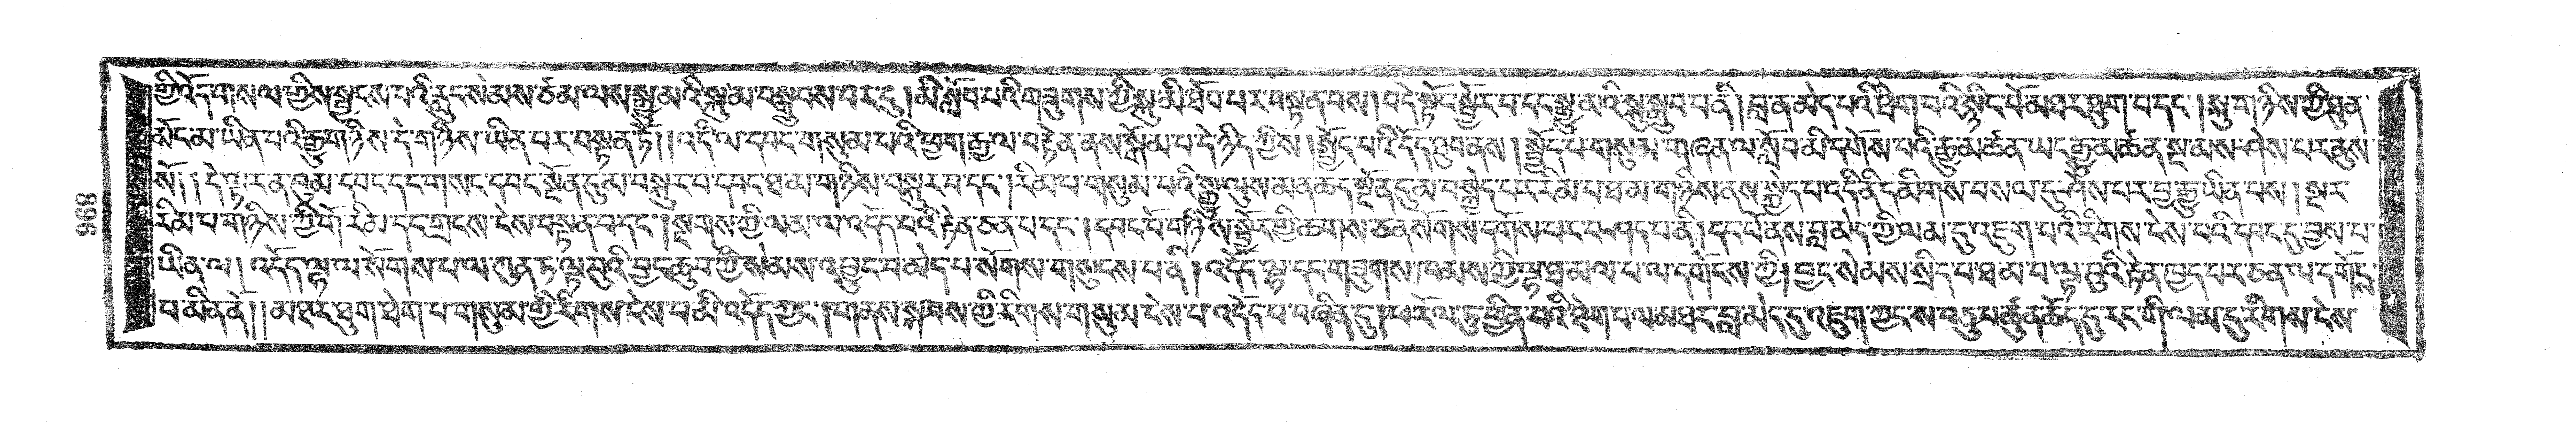གྱི་འོད་གསལ་གྱིས་སྦྱངས་པའི་རླུང་སེམས་ཙམ་ལས་སྒྱུ་མའི་སྐུ་མ་བསྒྲུབས་པར་དུ། མི་སློབ་པའི་གཟུགས་ཀྱི་སྐུ་མི་ཐོབ་པར་བསྟན་པས། བདེ་སྟོང་སྦྱོར་བ་དང་སྒྱུ་མའི་སྐུ་སྒྲུབ་པ་ནི། བླ་ན་མེད་པའི་ཐེག་པའི་སྙིང་པོ་མཐར་ཐུག་པ་དང་། སྐུ་གཉིས་ཀྱི་ཐུན་
མོང་མ་ཡིན་པའི་རྒྱུ་གཉིས་དེ་གཉིས་ཡིན་པར་བསྟན་ཏོ། །འདི་ལ་དབང་གསུམ་པའི་ཕྱག་རྒྱ་ལ་བརྟེན་ནས་སྒོམ་པ་དེ་ཉིད་ཀྱིས། སྤྱོད་པའི་དོད་ཐུབ་ནས། སྤྱོད་པ་གསུམ་གཞན་ལ་སློབ་མི་དགོས་པའི་རྒྱུ་མཚན་ཡང་རྒྱུ་མཚན་སྔ་མས་ཤེས་པར་ནུས་
སོ༑ ༑དེ་ལྟར་ན་བུམ་དབང་དང་གསང་དབང་སྔོན་དུ་མ་བསྐུར་བ་དབང་ཐ་མ་གཉིས་བསྐུར་བ་དང་། རིམ་པ་གསུམ་པའི་སྒྱུ་ལུས་མན་ཆད་སྔོན་དུ་མ་བསྐྱེད་པར་རིམ་པ་ཐ་མ་གཉིས་ནས་སྐྱེད་པ་འདི་ནི་དམིགས་བསལ་དུ་ཤེས་པར་བྱ་རྒྱུ་ཡིན་པས། སྔར་
རིམ་པ་གཉིས་ཀྱི་གོ་རིམ་དང་གྲངས་ངེས་བསྟན་པ་དང་། སྔགས་ཀྱི་ལམ་ལ་འདོད་པའི་རྟེན་ཅན་པ་དང་། དབང་པོ་གཉིས་སྦྱོར་གྱི་ཆགས་ཅན་སོགས་དགོས་པར་བཤད་པ་ནི། དང་པོ་ནས་བླ་མེད་ཀྱི་ལམ་དུ་འཇུག་པའི་རིགས་ངེས་པའི་དབང་དུ་བྱས་པ་
ཡིན་ལ། འདོད་ལྷ་ལ་སོགས་པ་ལ་ཀུན་ཏ་ལྟ་བུའི་བྱང་ཆུབ་ཀྱི་སེམས་འབྱུང་བ་མེད་པ་སོགས་གསུངས་པ་ནི། འདོད་ལྷ་དང་གཟུགས་ཁམས་ཀྱི་ལྷ་ཐ་མལ་པ་ལ་དགོངས་ཀྱི། བྱང་སེམས་སྲིད་པ་ཐ་མ་པ་ལྟ་བུའི་རྟེན་ཁྱད་པར་ཅན་ལ་དགོངས་
པ་མིན་ནོ། །མཐར་ཐུག་ཐེག་པ་གསུམ་གྱི་རིགས་ངེས་པ་མི་འདོད་ཀྱང་། གནས་སྐབས་ཀྱི་རིགས་གསུམ་ངེས་པ་འདོད་པ་བཞིན་དུ། ཕ་རོལ་ཏུ་ཕྱིན་པའི་ཐེག་པ་ལ་མཐར་བླ་མེད་དུ་འཇུག་ཀྱང་ས་བཅུ་པ་ཚུན་ཆོད་དུ་རང་གི་ལམ་དུ་རིགས་ངེས་